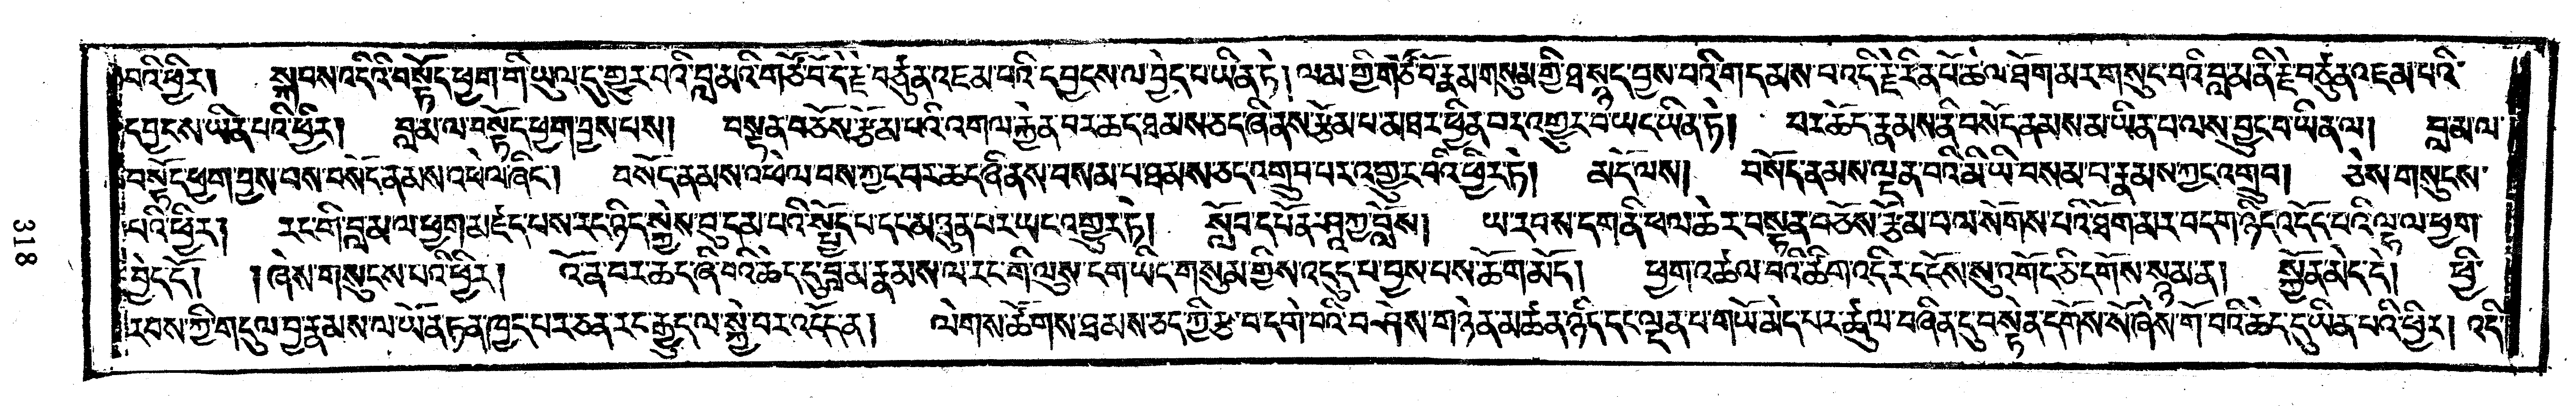བའི་ཕྱིར། སྐབས་འདིའི་བསྟོད་ཕྱག་གི་ཡུལ་དུ་གྱུར་བའི་བླ་མའི་གཙོ་བོ་དེ་རྗེ་བཙུན་འཇམ་པའི་དབྱངས་ལ་བྱེད་པ་ཡིན་ཏེ། ལམ་གྱི་གཙོ་བོ་རྣམ་གསུམ་གྱི་ཐ་སྙད་བྱས་པའི་གདམས་པ་འདི་རྗེ་རིན་པོ་ཆེ་ལ་ཐོག་མར་གསུང་བའི་བླ་མ་ནི་རྗེ་བཙུན་འཇམ་པའི་
དབྱངས་ཡིན་པའི་ཕྱིར། བླ་མ་ལ་བསྟོད་ཕྱག་བྱས་པས། བསྟན་བཅོས་རྩོམ་པའི་འགལ་རྐྱེན་བར་ཆད་ཐམས་ཅད་ཞི་ནས་རྩོམ་པ་མཐར་ཕྱིན་བར་འགྱུར་བ་ཡང་ཡིན་ཏེ། བར་ཆོད་རྣམས་ནི་བསོད་ནམས་མ་ཡིན་པ་ལས་བྱུང་བ་ཡིན་ལ། བླ་མ་ལ་
བསྟོད་ཕྱག་བྱས་བས་བསོད་ནམས་འཕེལ་ཞིང་། བསོད་ནམས་འཕེལ་བས་ཀྱང་བར་ཆད་ཞི་ནས་བསམ་པ་ཐམས་ཅད་འགྲུབ་པར་འགྱུར་བའི་ཕྱིར་ཏེ། མདོ་ལས། བསོད་ནམས་ལྡན་བའི་མི་ཡི་བསམ་པ་རྣམས་ཀྱང་འགྲུབ། ཅེས་གསུངས་
པའི་ཕྱིར། རང་གི་བླ་མ་ལ་ཕྱག་མཛད་པས་རང་ཉིད་སྐྱེས་བུ་དམ་པའི་སྤྱོད་པ་དང་མཐུན་པར་ཡང་འགྱུར་ཏེ། སློབ་དཔོན་ཤཱཀྱ་བློས། ཡ་རབས་དག་ནི་ཕལ་ཆེར་བསྟན་བཅོས་རྩོམ་པ་ལ་སོགས་པའི་ཐོག་མར་བདག་ཉིད་འདོད་པའི་ལྷ་ལ་ཕྱག་
བྱེད་དོ། །ཞེས་གསུངས་པའི་ཕྱིར། འོ་ན་བར་ཆད་ཞི་བའི་ཆེད་དུ་བླ་མ་རྣམས་ལ་རང་གི་ལུས་ངག་ཡིད་གསུམ་གྱིས་འདུད་པ་བྱས་པས་ཆོ་ག་མོད། ཕྱག་འཚལ་བའི་ཚིག་འདིར་དངོས་སུ་འགོང་ཅི་དོགས་སྙམ་ན། སྐྱོན་མེད་དེ། ཕྱི་
རབས་ཀྱི་གདུལ་བྱ་རྣམས་ལ་ཡོན་ཏན་ཁྱད་པར་ཅན་རང་རྒྱུད་ལ་སྐྱེ་བར་འདོད་ན། ལེགས་ཚོགས་ཐམས་ཅད་ཀྱི་རྩ་བ་དགེ་བའི་བཤེས་གཉེན་མཚན་ཉིད་དང་ལྡན་པ་གཡོ་མེད་པར་ཚུལ་བཞིན་དུ་བསྟེན་དགོས་སོ་ཞེས་གོ་བའི་ཆེད་དུ་ཡིན་པའི་ཕྱིར། འདི་